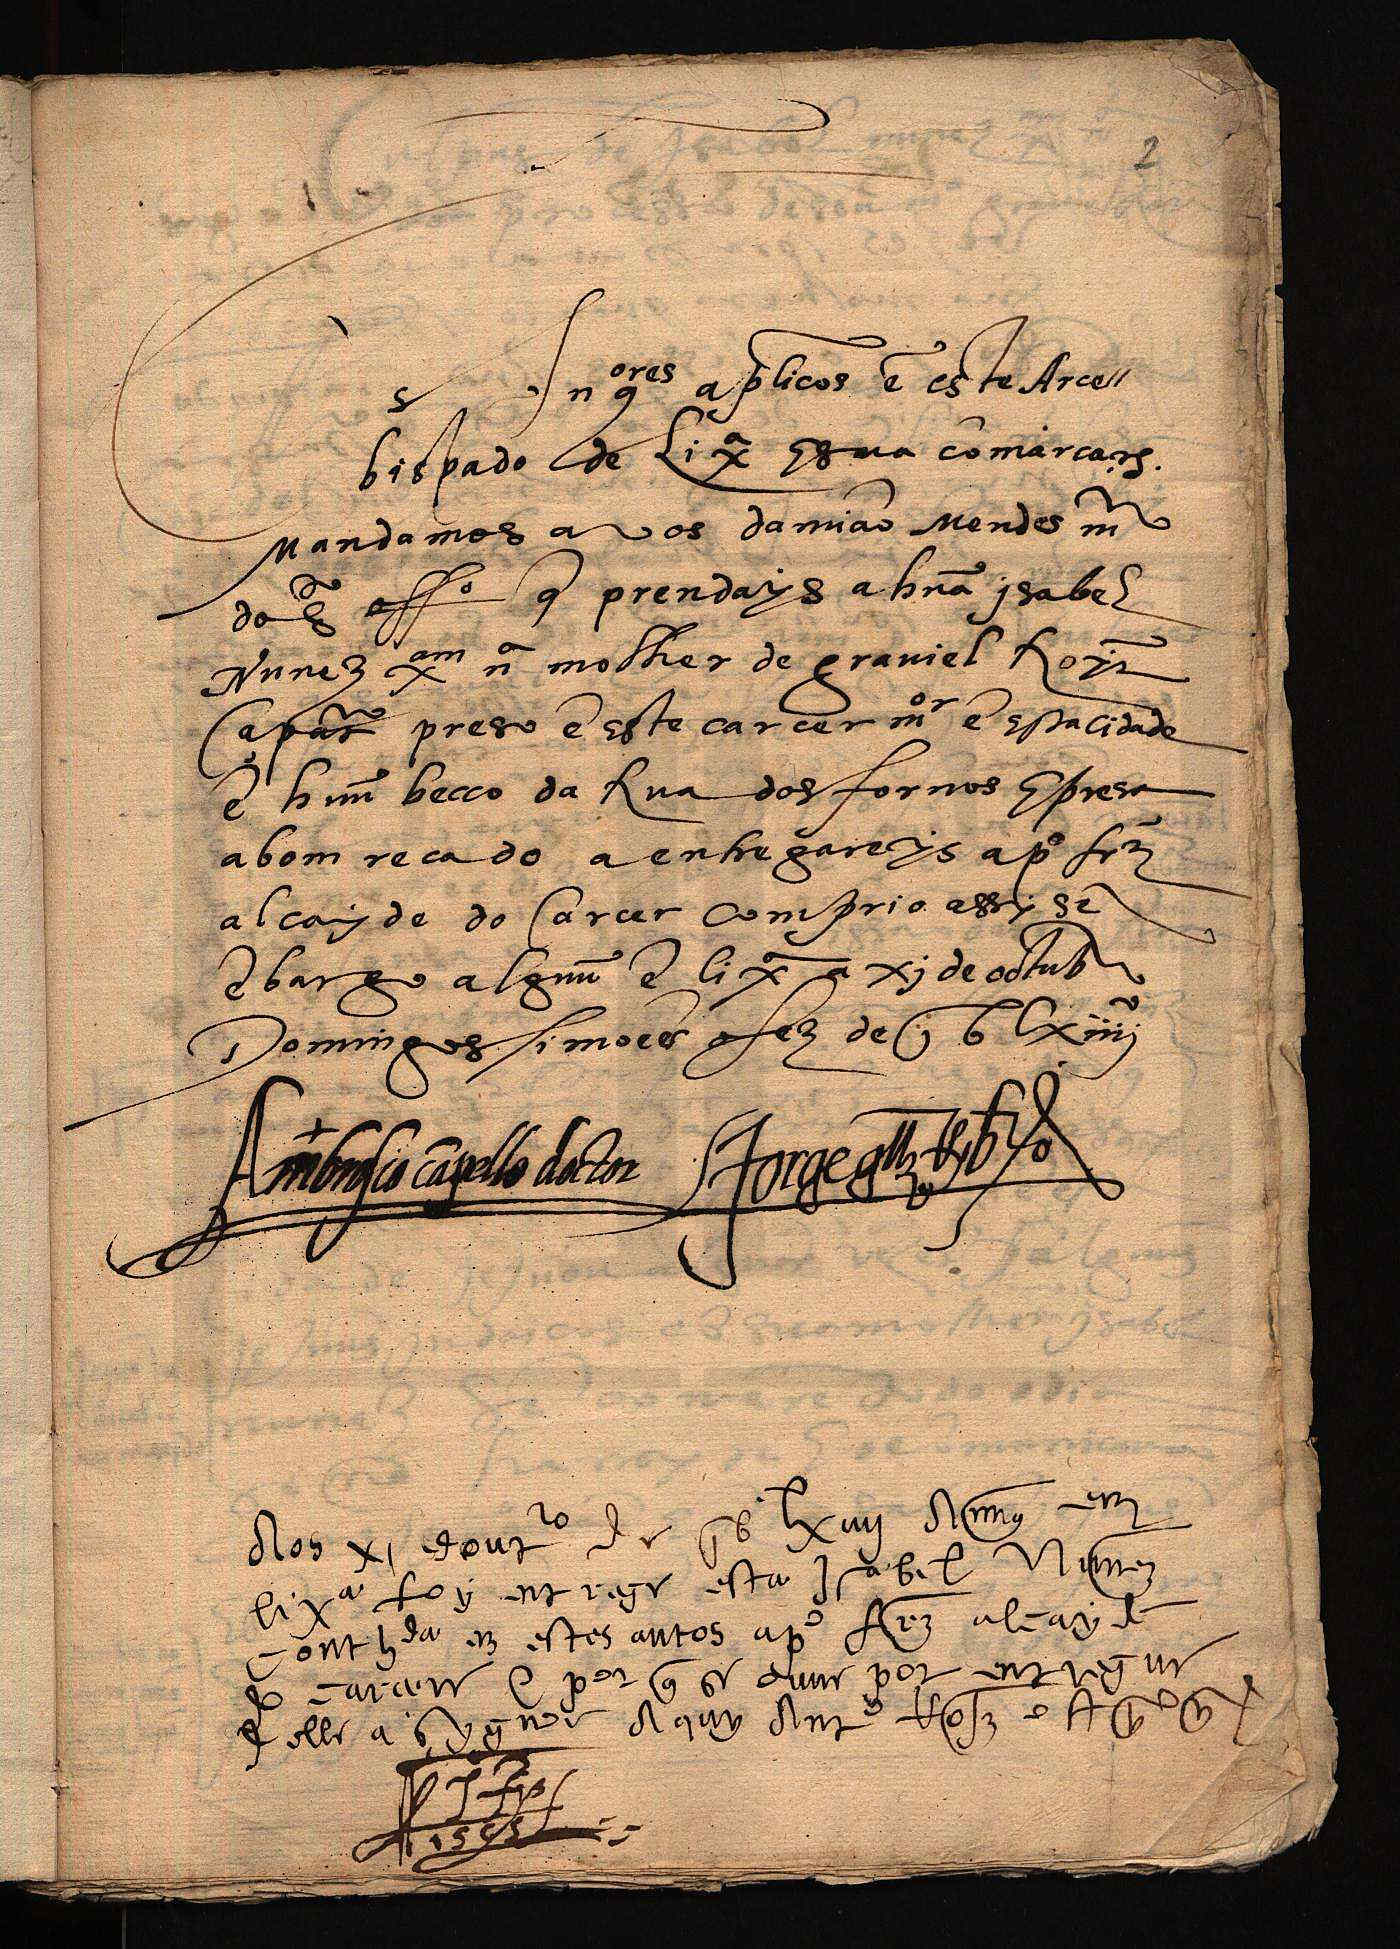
Os Jnqores apl̄icos ē este Arce
bispado de Lixa E sua cōmarca cꝭ.
Mandamos a vos damião Mendes m̄ro
do Sto offo q̄ prendays a huā jsabel
Nunez xam na molher de grauiel Royz̄
Çapatro preso ē Este carcer mor ē Esta cidade
ē hum̄ becco da Rua dos fornos E presa
a bom recado a entregareys a po frz̄
alcayde do Carcer compri o assy sē
ēbargo alguū ē lixa a xj de octub̄ro
Domingos simoeēs o fez de j̄ blxiiijo
Aos xj doutro de j̄ bclxiiij Annꝯ em
lixa foy entrege esta Jsabel Nunez
conthda em estes autos a po frz̄ alcayde
do carcere e porq̄ se ouue por entregue
delle a asygnou Aquy Anto RōJz o stp̄vȳ
